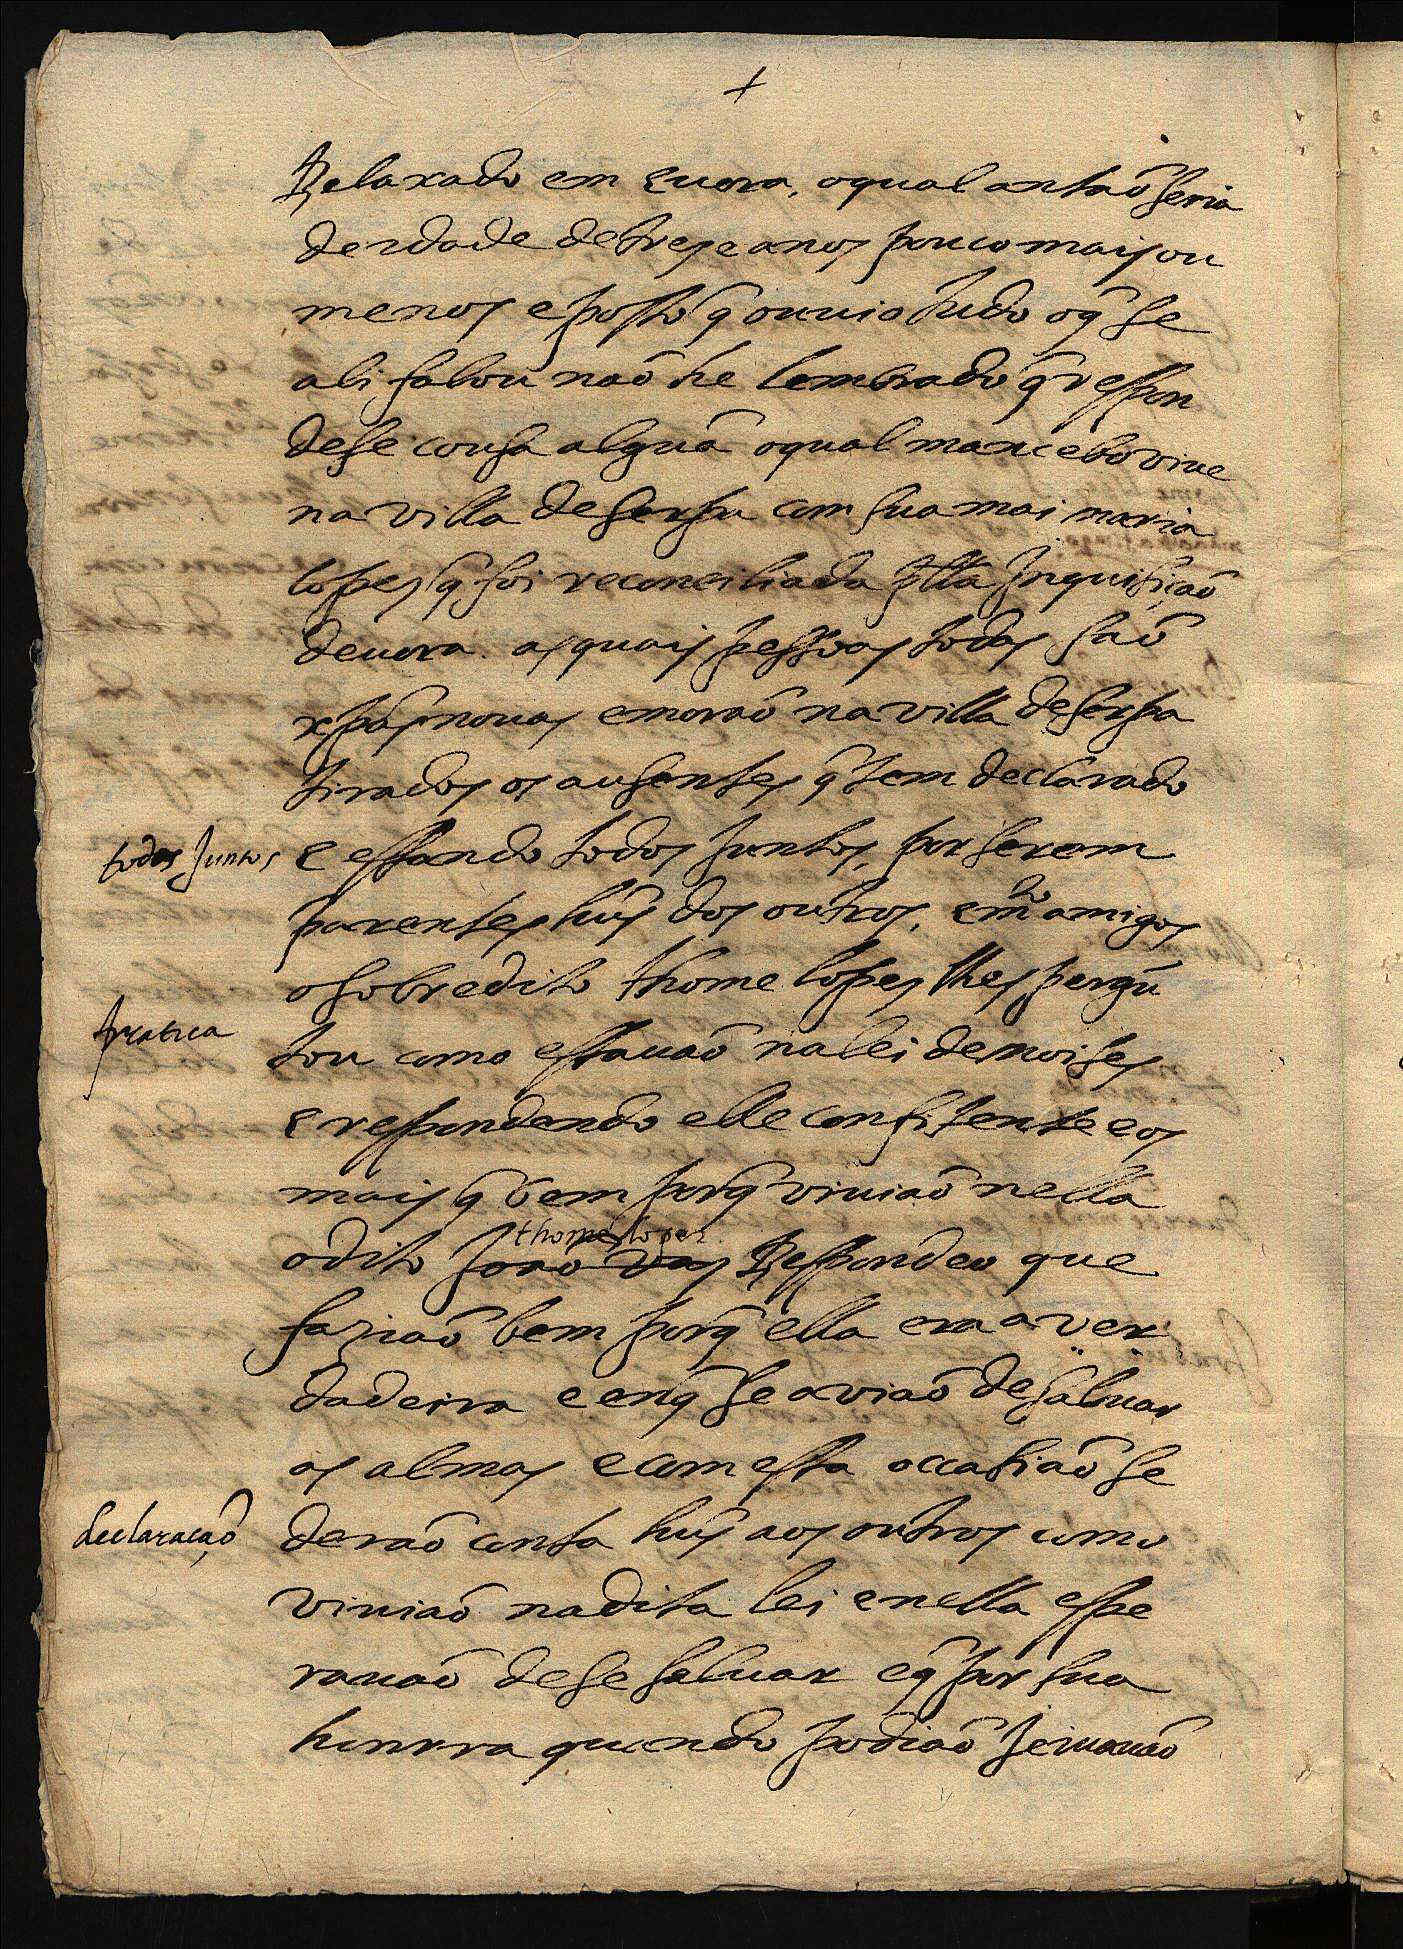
Relaxado em Euora, o qual antaõ seria
de idade de treze anos pouco mais ou
menos e posto q̄ ouuio tudo o q̄ se
ali falou naõ he lembrado q̄ respon
dese cousa alguā o qual mancebo viue
na villa de serpa com sua mai maria
lopez q̄ foi reconciliada p̄l̄la Jnquisiçaõ
deuora as quais pessoas todas saõ
xpas̄ nouas e moraõ na villa de serpa
tirados os ausentes q̄ tem declarado
E estando todos Juntos, por serem
parentes hus̄ dos outros, e mto amigos
o sobredito thome lopez lhes pergū
tou como estauaõ na lei de moises
E respondendo elle confitente e os
mais q bem porq̄ viuiaõ nella
o dito Joaõ vaz
thome lopez
Respondeo que
faziaõ bem porq̄ ella era a ver
dadeira e en q̄ se aviaõ de saluar
as almas e com esta occasiaõ se
deraõ conta hus̄ aos outros como
viuiaõ na dita lei e nella espe
rauaõ de se saluar e q̄ por sua
honrra quando podiaõ Jeiuauaõ
todos Juntos
pratica
declaraçaõ
